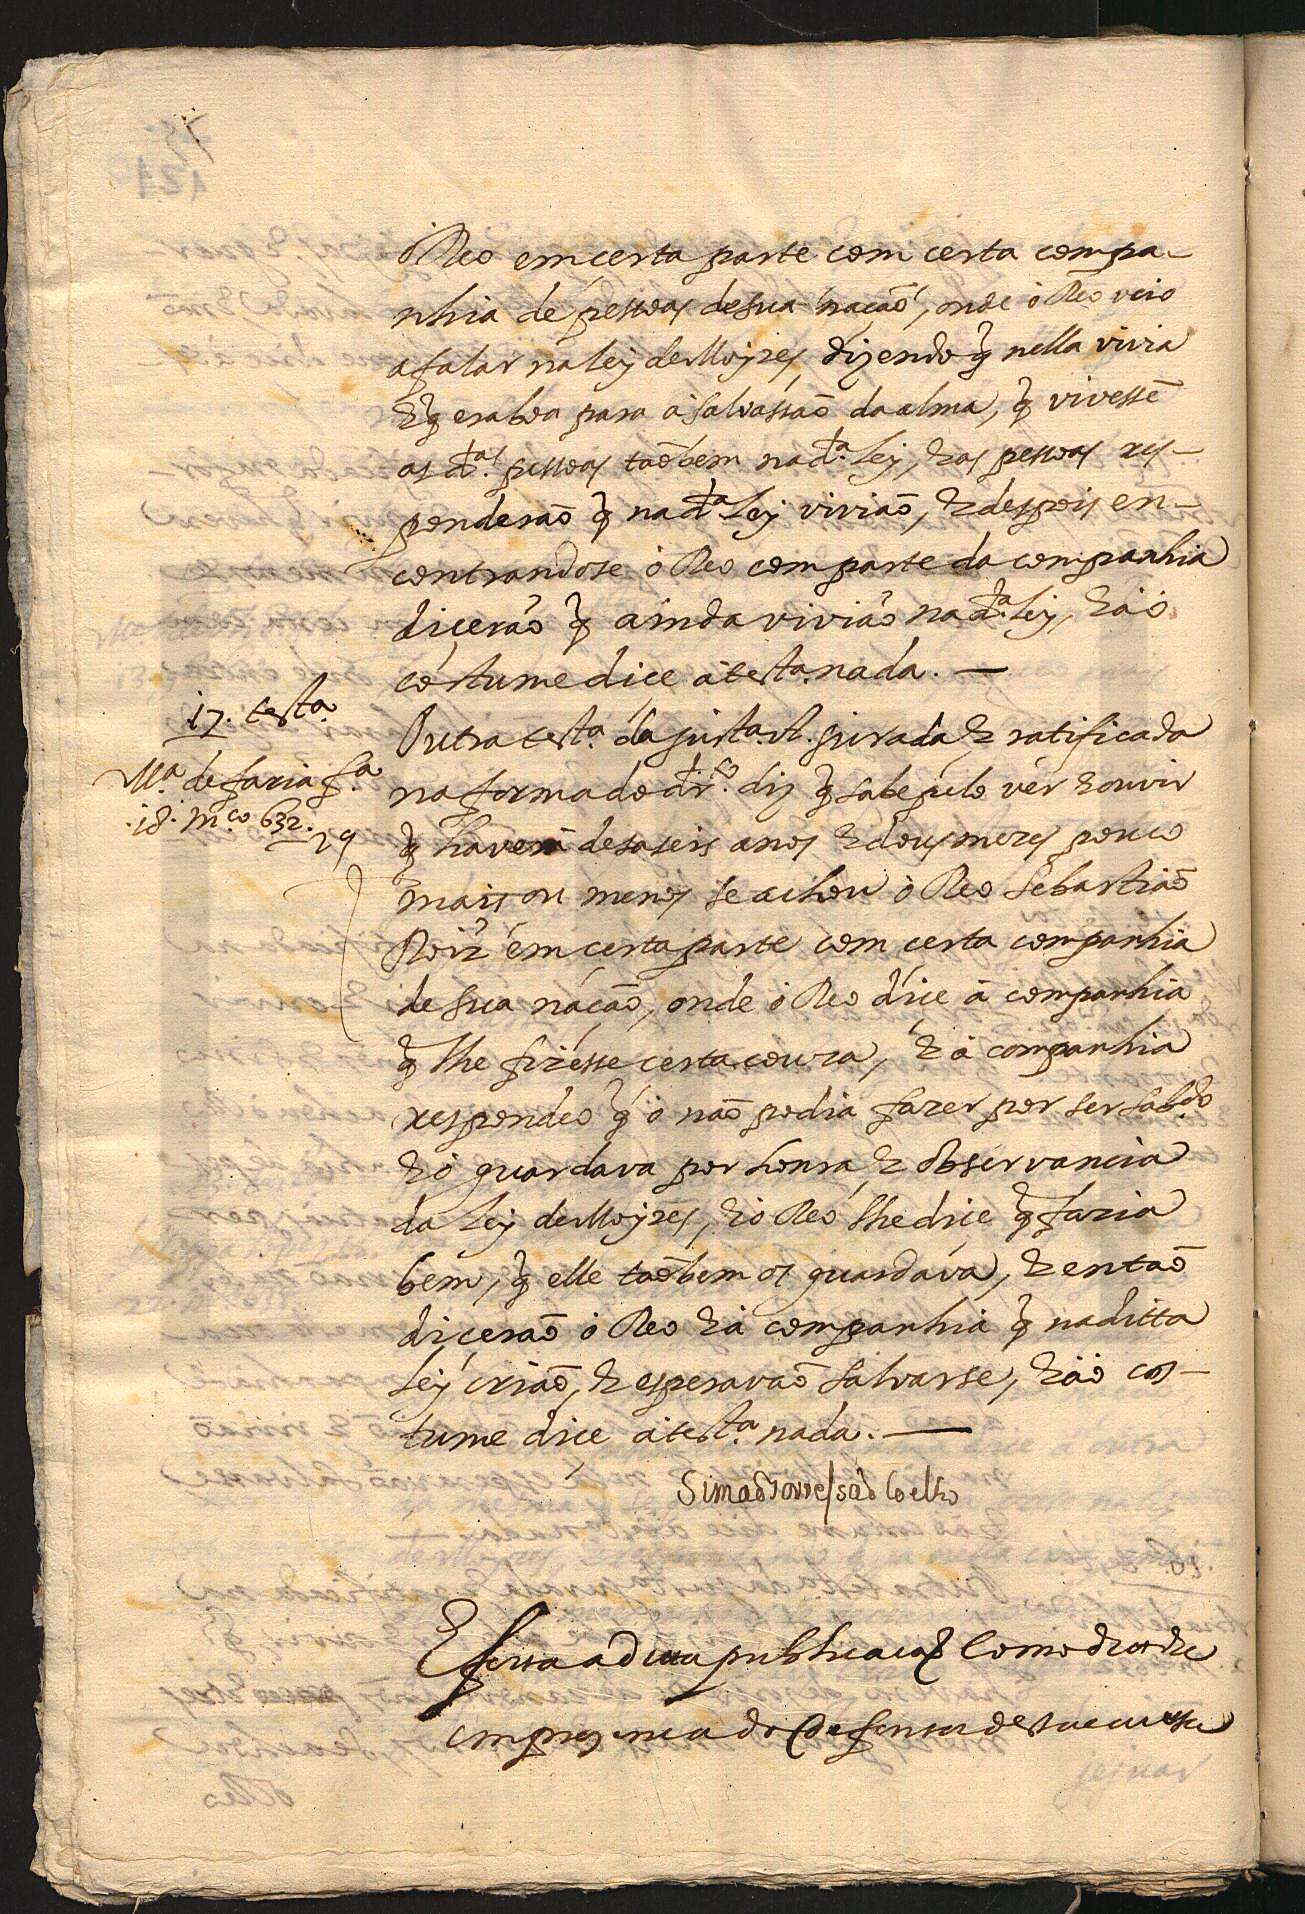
17. testa.
M.a de faria f.a
.18. m.co 632.
29
o Reo em certa parte com certa compa
nhia de pessoas de sua naçaõ, onde o Reo veio
a falar na ley de Moyzes, dizendo q̄ nella vivia
E q̄ era boa para a salvassaõ da alma, q̄ vivessē
as d̄as. pessoas taõbem na d̄.a ley, E as pessoas res
ponderaõ q̄ na d̄a Ley viviaõ, E despois en
contrandose o Reo com parte da companhia
diçeraõ q̄ ainda viviaõ na d̄.a ley, E ao
costume dice, a testa. nada. ‒
Outra test.a da justa. A. jurada, E ratificada
na forma do drto. diz q̄ sabe pelo uer E ouvir
q̄ haverá desaseis anos E dous mezes pouco
mais ou menos se achou o Reo sebastiaõ
Roiz̄ em çerta parte com certa companhia
de sua naçaõ, onde o Reo diçe à companhia
q̄ lhe fizesse çerta couza, E a companhia
respondeo q̄ o naõ podia fazer por ser sab.do
E o guardava por honra, E observancia
da Ley de Moyzes, E o Reo lhe diçe q̄ fazia
bem, q̄ elle taõbem os guardava, E entaõ
diçeraõ o Reo E a companhia q̄ na ditta
Ley criaõ, E esperavaõ salvarse, E ao cos
tume diçe a test.a nada.
E feita a ditta publicaçaõ como ditto he
em presenca da defensa desta causa
